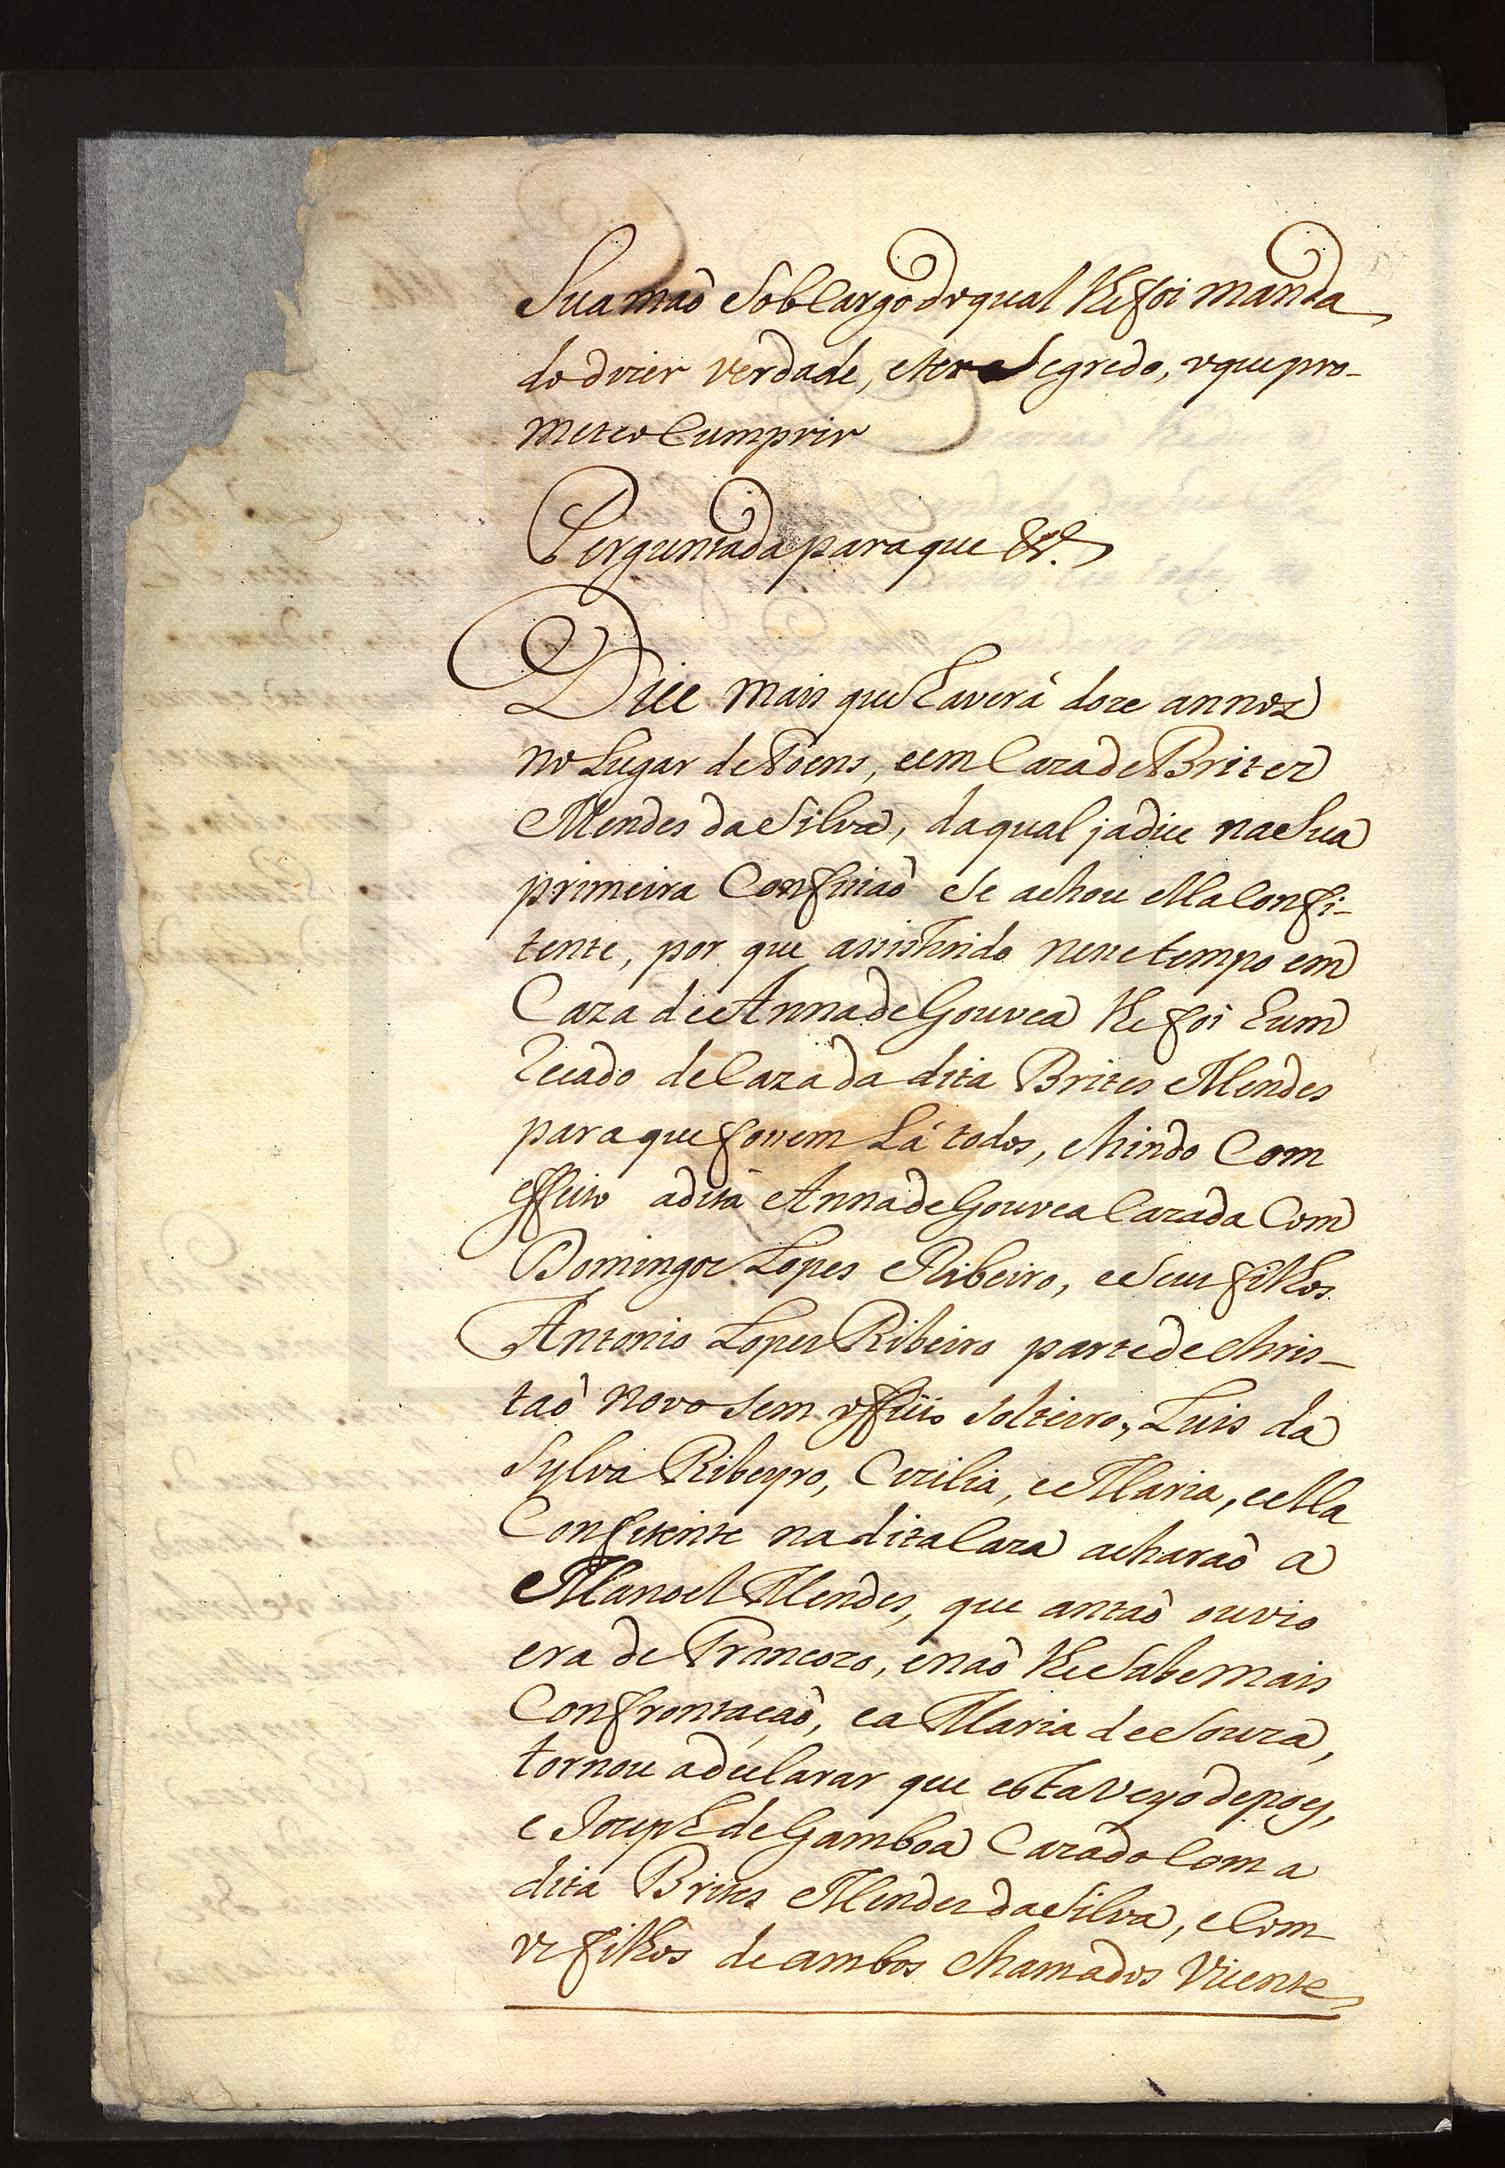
Sua maõ Sob cargo do qual lhe foi manda
do dizer verdade, e ter Segredo, o que pro
meteo cumprir
Perguntada para que &r.a
Dice mais que haverá doze annoz
no Lugar de Toens, e em Caza de Britez
Mendes da Silva, da qual ja dice na Sua
primeira confissaõ se achou ella confi
tente, por que assistindo nesse tempo em
Caza de Anna de Gouvea lhe foi hum
Recado de Caza da dita Brites Mendes
para que fossem Lá todos, e hindo com
effeito a dita Anna de Gouvea Cazada Com
Domingos Lopes Ribeiro, e seus filhos
Antonio Lopes Ribeiro parte de chris
taõ novo sem officio solteiro, Luis da
Sylva Ribeyro, Cezilia, e Maria, e ella
Confitente na dita Caza acharaõ a
Manoel Mendes, que antaõ ouvio
era de Trancozo, e naõ lhe sabe mais
confrontaçaõ, e a Maria de Souza
tornou a declarar que esta veyo depois,
e Jozeph de Gamboa, cazado com a
dita Brites Mendez da Silva, e Com
os filhos de ambos chamados Vicente
